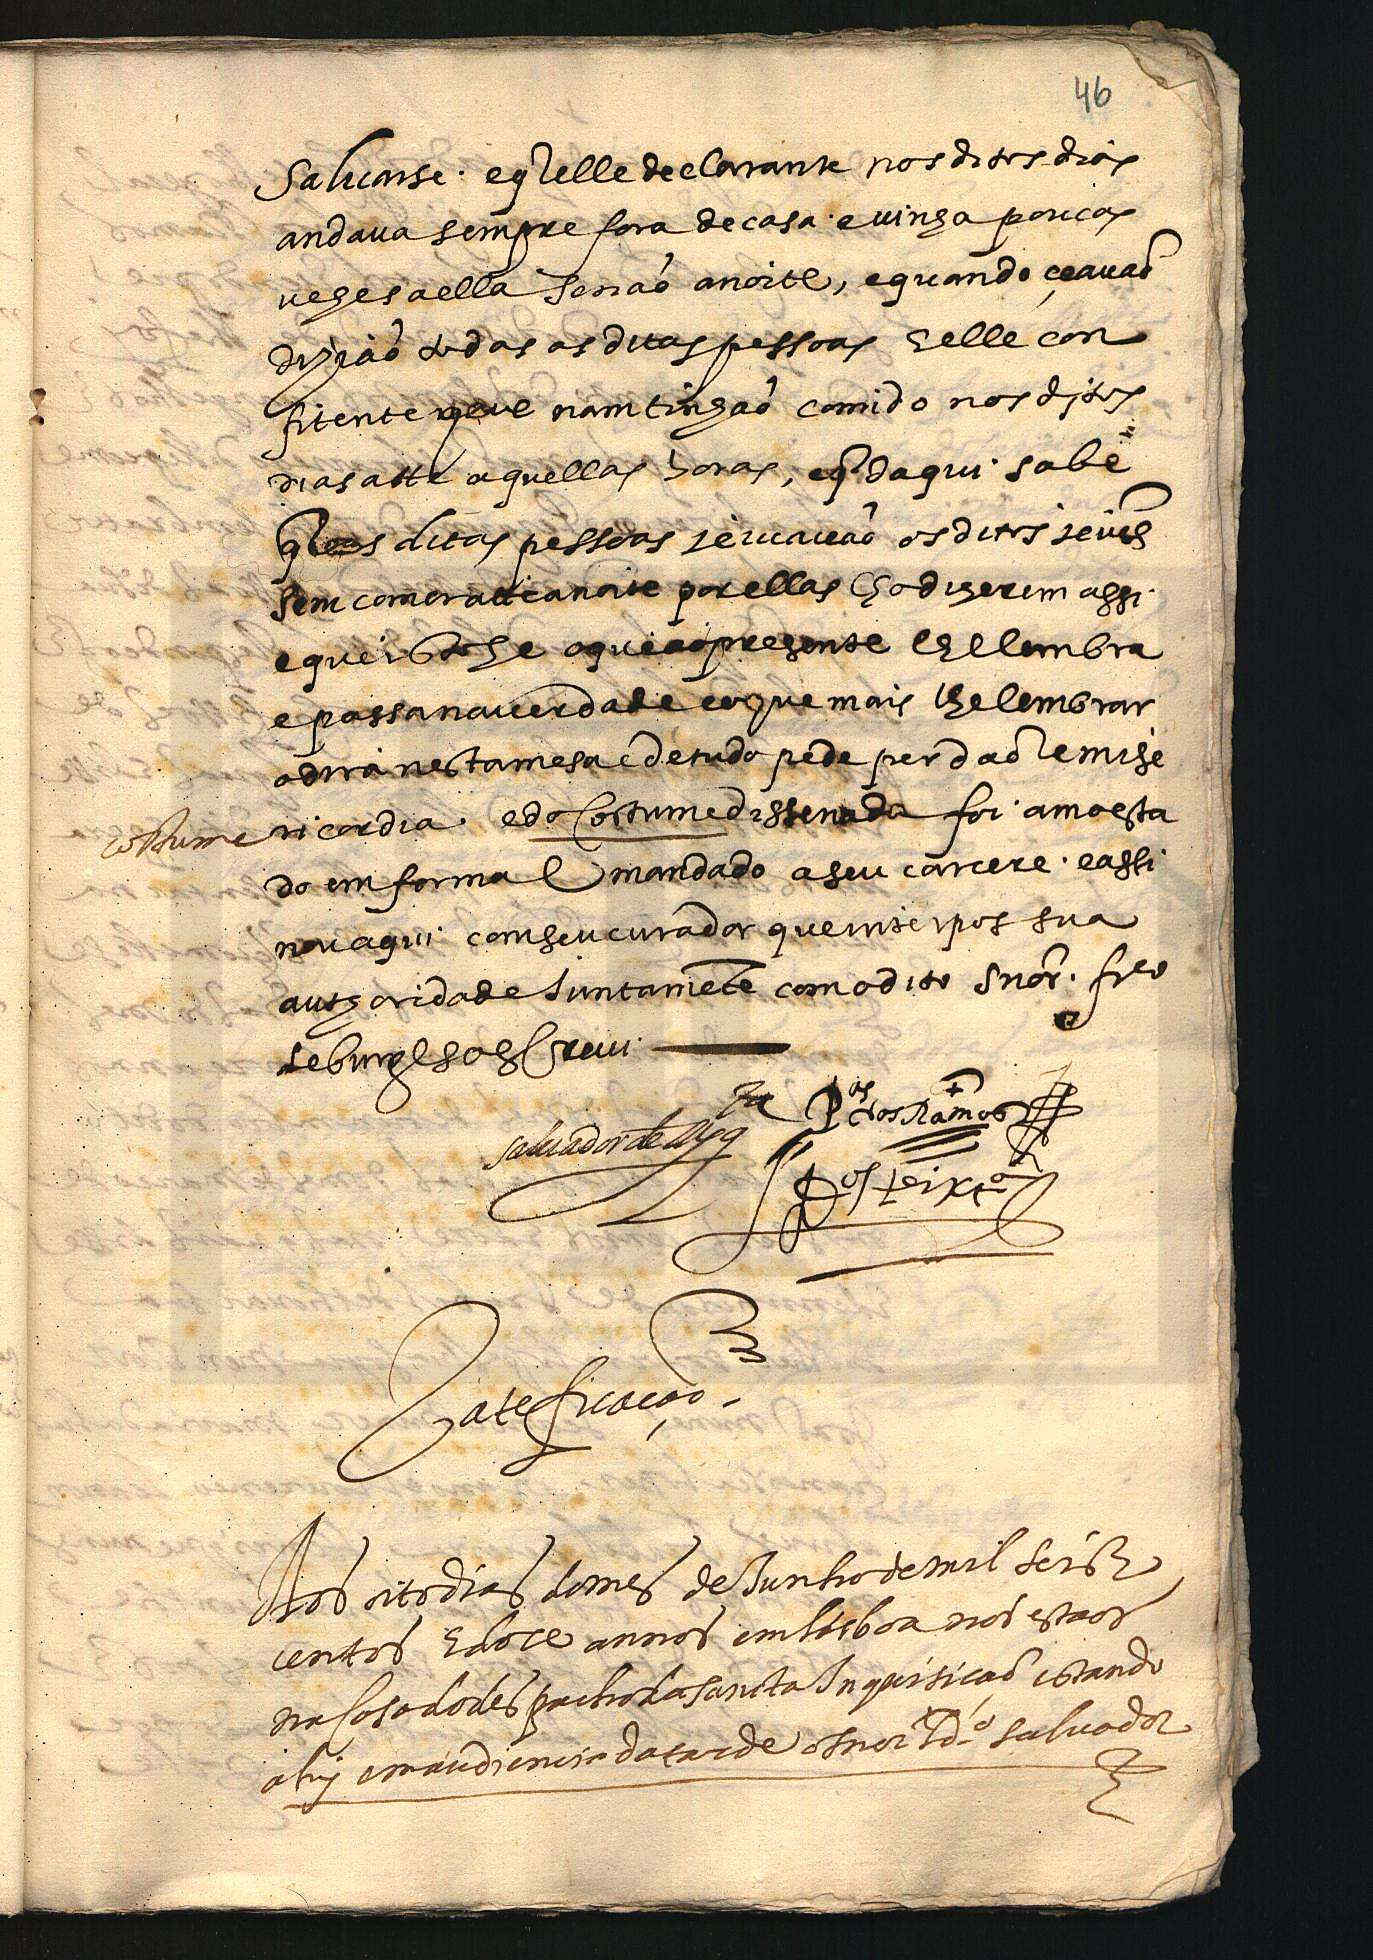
Saluarse. e que elle declarante nos ditos dias
andaua sempre fora de casa e uinha poucas
uezes a ella senaõ a noite, e quando ceauaõ
diziaõ todas as ditas pessoas E elle con
fitente que nam tinhaõ comido nos djtos
dias atte aquellas horas, e q̄ daqui sabe
q̄ as ditas pessoas jeiuauaõ os ditos jeiūs
sem comer atte a noite por ellas lhe dizerem assi
e que isto he o que ao presente lhe lembra
e passa na uerdade e o que mais lhe lembrar
o dira nesta mesa e de tudo pede perdaõ e mise
ricordia e do Costume disse nada foi amoesta
da em forma e mandado a seu carcere e assi
nou aqui com seu curador que interpos sua
authoridade Iuntamēte com o dito Snōr frco
de burges o esCreui
Rateficação
Aos oito dias do mes de Iunho de mil seis
centos E doze annos em lisboa nos estaos
na Casa do despacho da sancta Inquisiçaõ estando
ahy em audiencia da tarde o snor Ldo saluador
